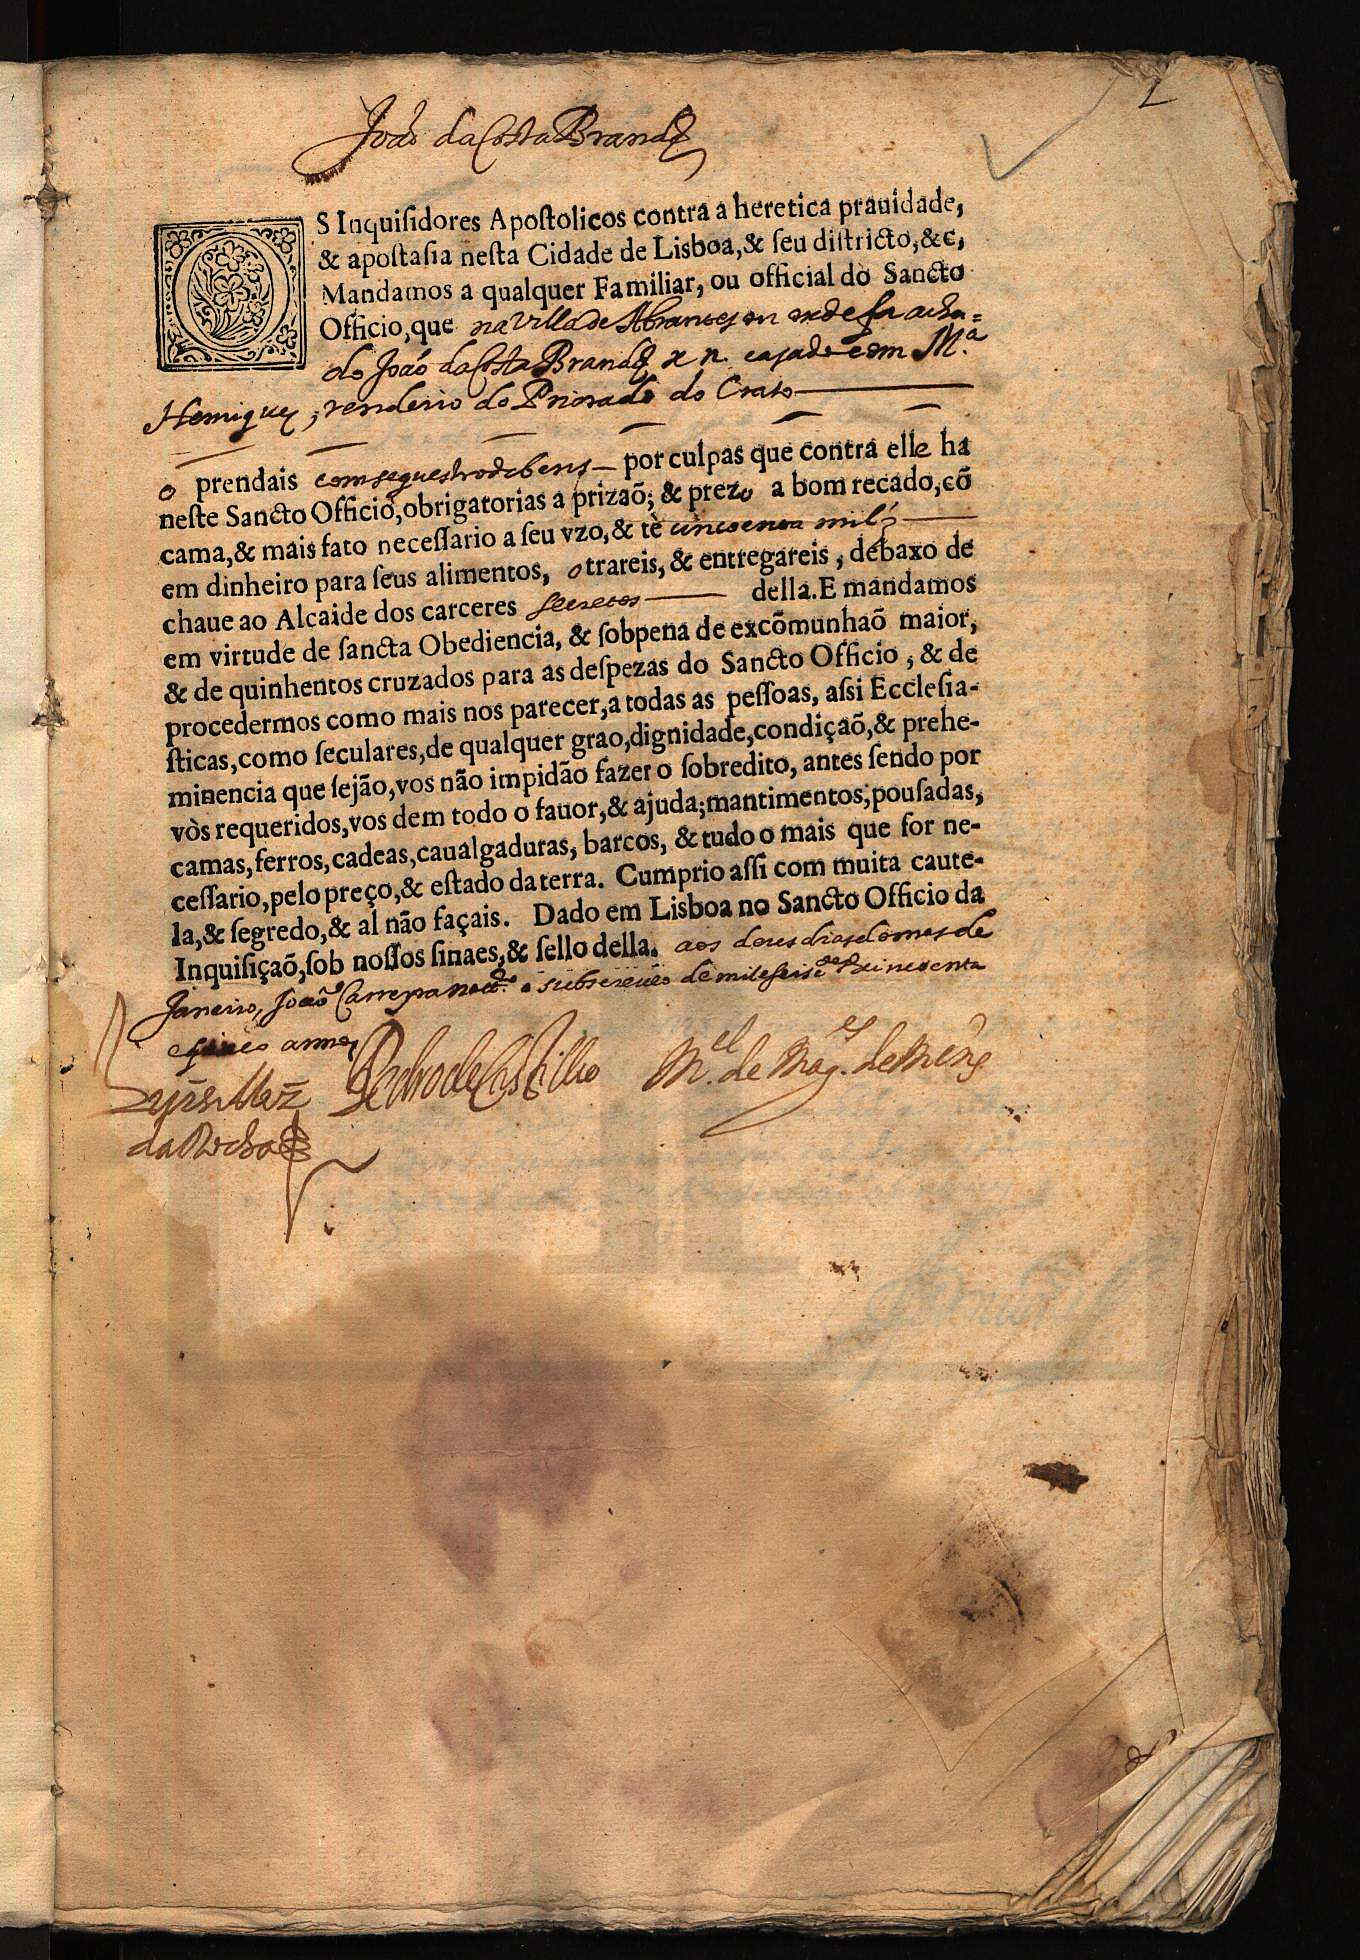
João da Costa Brandaõ
Os Inquisidores Apostolicos contra a heretica prauidade,
& apostasia nesta Cidade de Lisboa, & seu districto, &c,
Mandamos a qualquer Familiar, ou official do Sancto
Officio, que na Villa de Abrantes ou onde for acha
do Joaõ da Costa Brandaõ x n. casado com M.a
Henriques, rendeiro do Priorado do Crato
o prendais com sequestro de bens por culpas que contra elle ha
neste Sancto Officio, obrigatorias a prizaõ; & prezo a bom recado, cō
cama, & mais fato necessario a seu vzo, & tè cincoenta mil
em dinheiro para seus alimentos, o trareis, & entregareis, debaxo de
chaue ao Alcaide dos carceres secretos
della. E mandamos
em virtude de sancta Obediencia, & sob pena de excōmunhaõ maior,
& de quinhentos cruzados para as despezas do Sancto Officio, & de
procedermos como mais nos parecer, a todas as pessoas, assi Ecclesia
sticas, como seculares, de qualquer grao, dignidade, condiçaõ, & prehe
minencia que sejão, vos não impidão fazer o sobredito, antes sendo por
vòs requeridos, vos dem todo o fauor, & ajuda; mantimentos, pousadas,
camas, ferros, cadeas, caualgaduras, barcos, & tudo o mais que for ne
cessario, pelo preço, & estado da terra. Cumprio assi com muita caute
la, & segredo, & al não façais. Dado em Lisboa no Sancto Officio da
Inquisiçaõ, sob nossos sinaes, & sello della aos dous dias do mes de
Janeiro, Joaõ Carreyra nott.ro o subscreueo de mil e seisctos E cincoenta
e cinco annos
Luis Alvz̄
da Rocha
Pedro de Castilho
M.el de Mag.es de Men̄s
